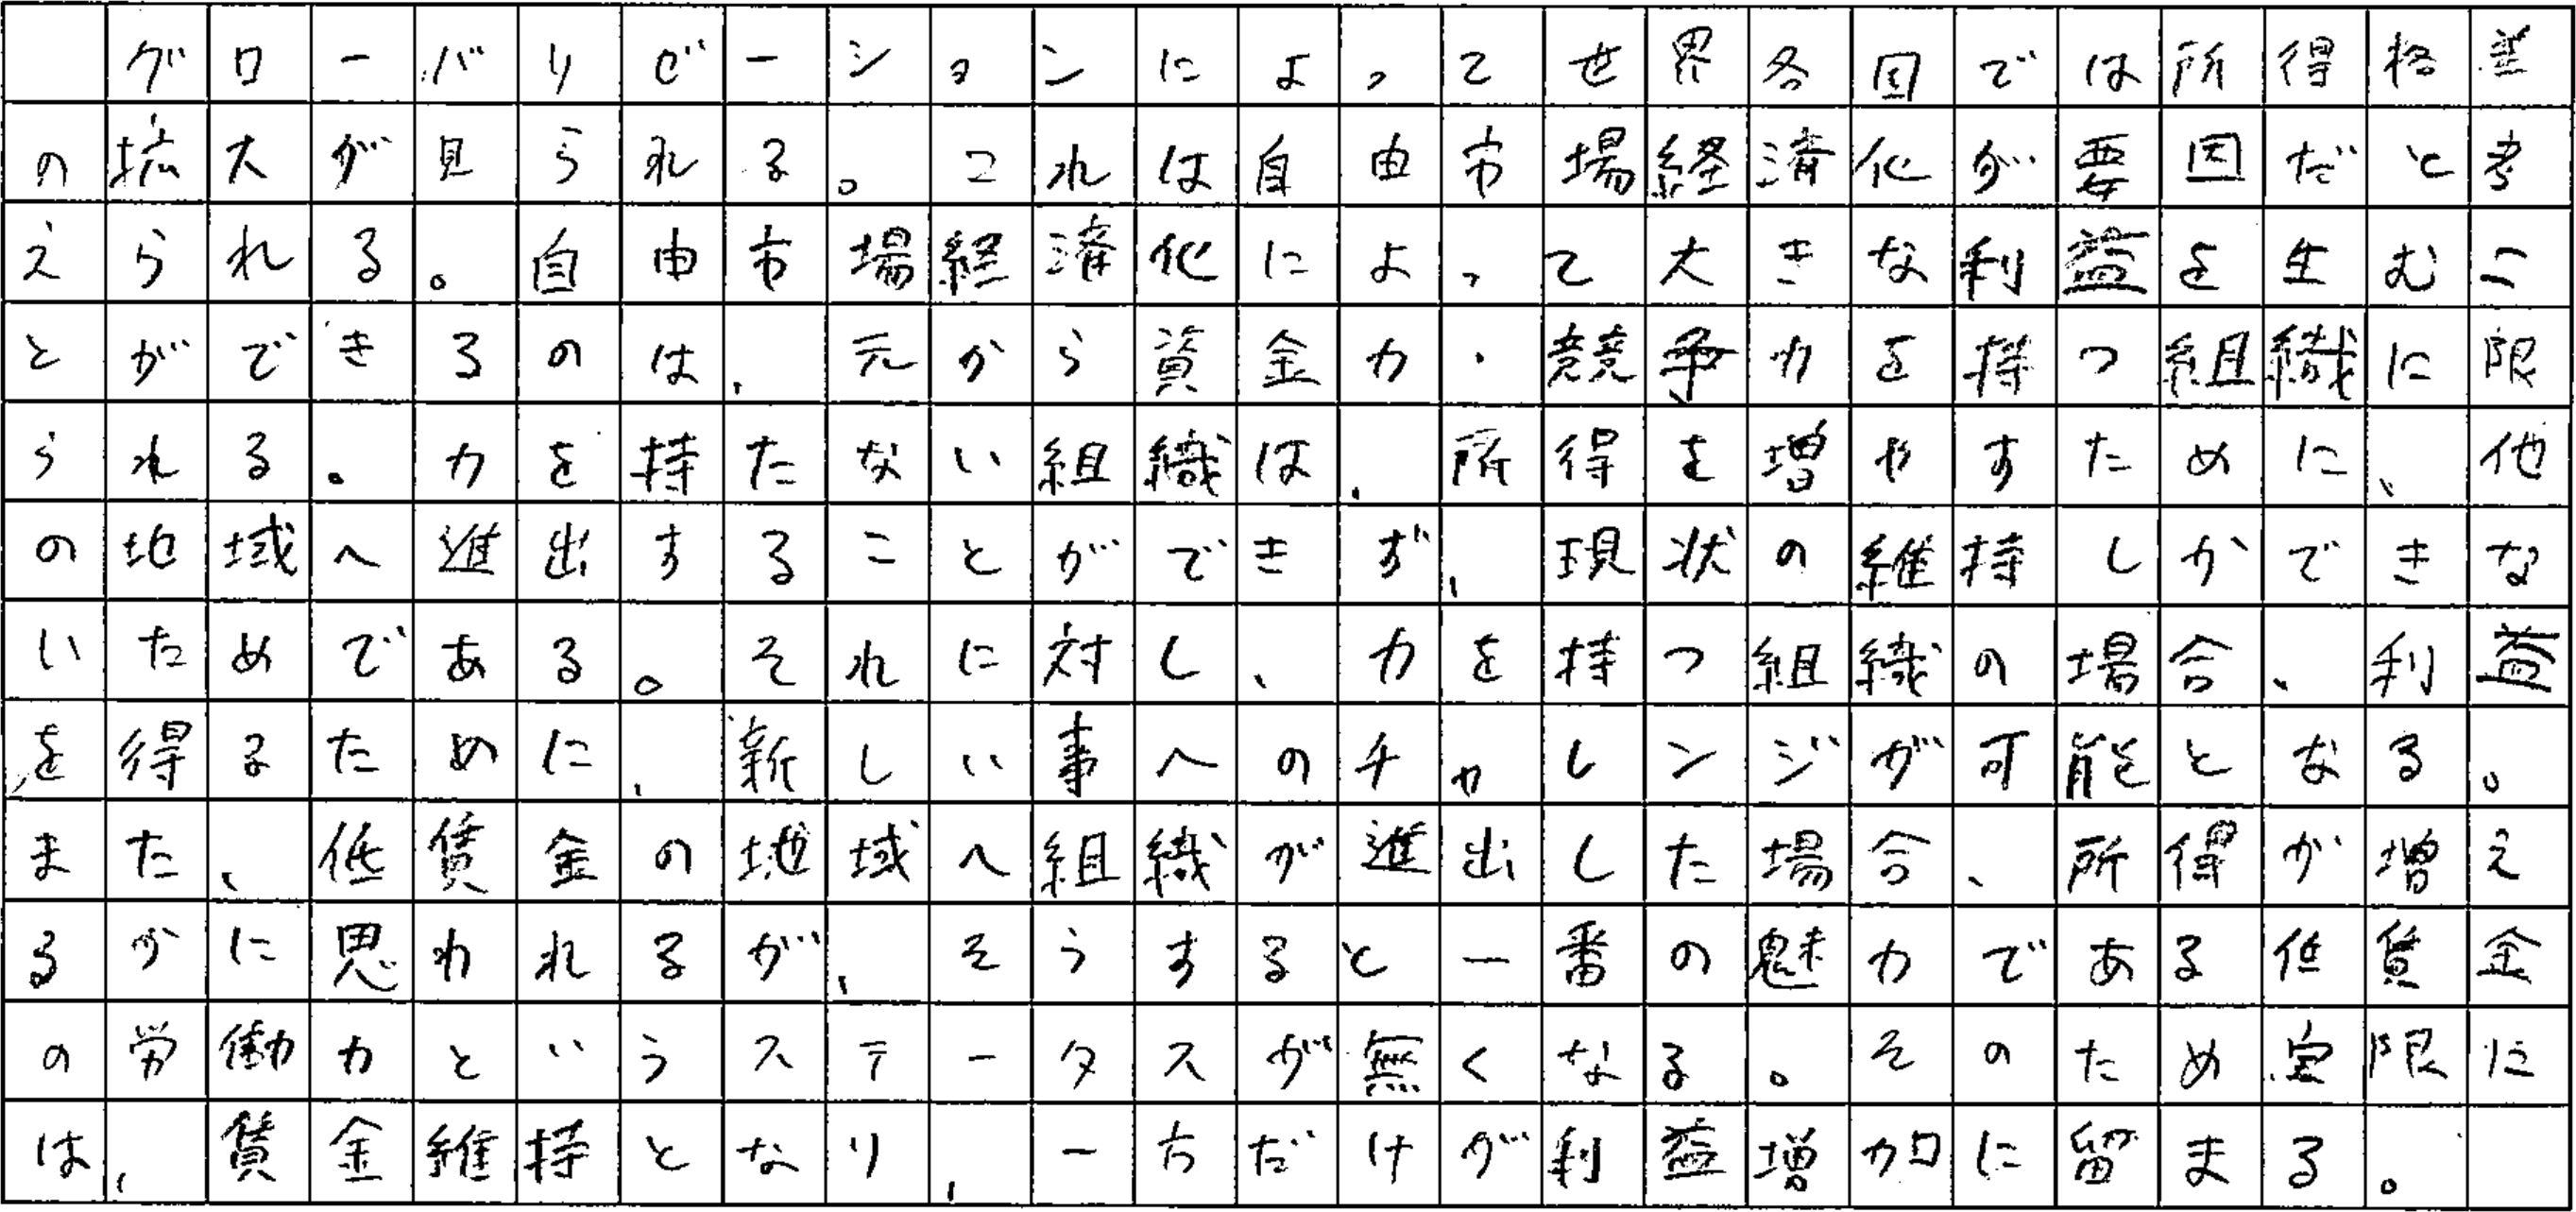　グローバリゼーションによって世界各国では所得格差の拡大が見られる。これは自由市場経済化が要因だと考えられる。自由市場経済化によって大きな利益を生むことができるのは、元から資金力・競争力を持つ組織に限られる。力を持たない組織は、所得を増やすために、他の地域へ進出することができず、現状の維持しかできないためである。それに対し、力を持つ組織の場合、利益を得るために、新しい事へのチャレンジが可能となる。また、低賃金の地域へ組織が進出した場合、所得が増えるかに思われるが、そうすると一番の魅力である低賃金の労働力というステータスが無くなる。そのため実限には、賃金維持となり、一方だけが利益増加に留まる。
